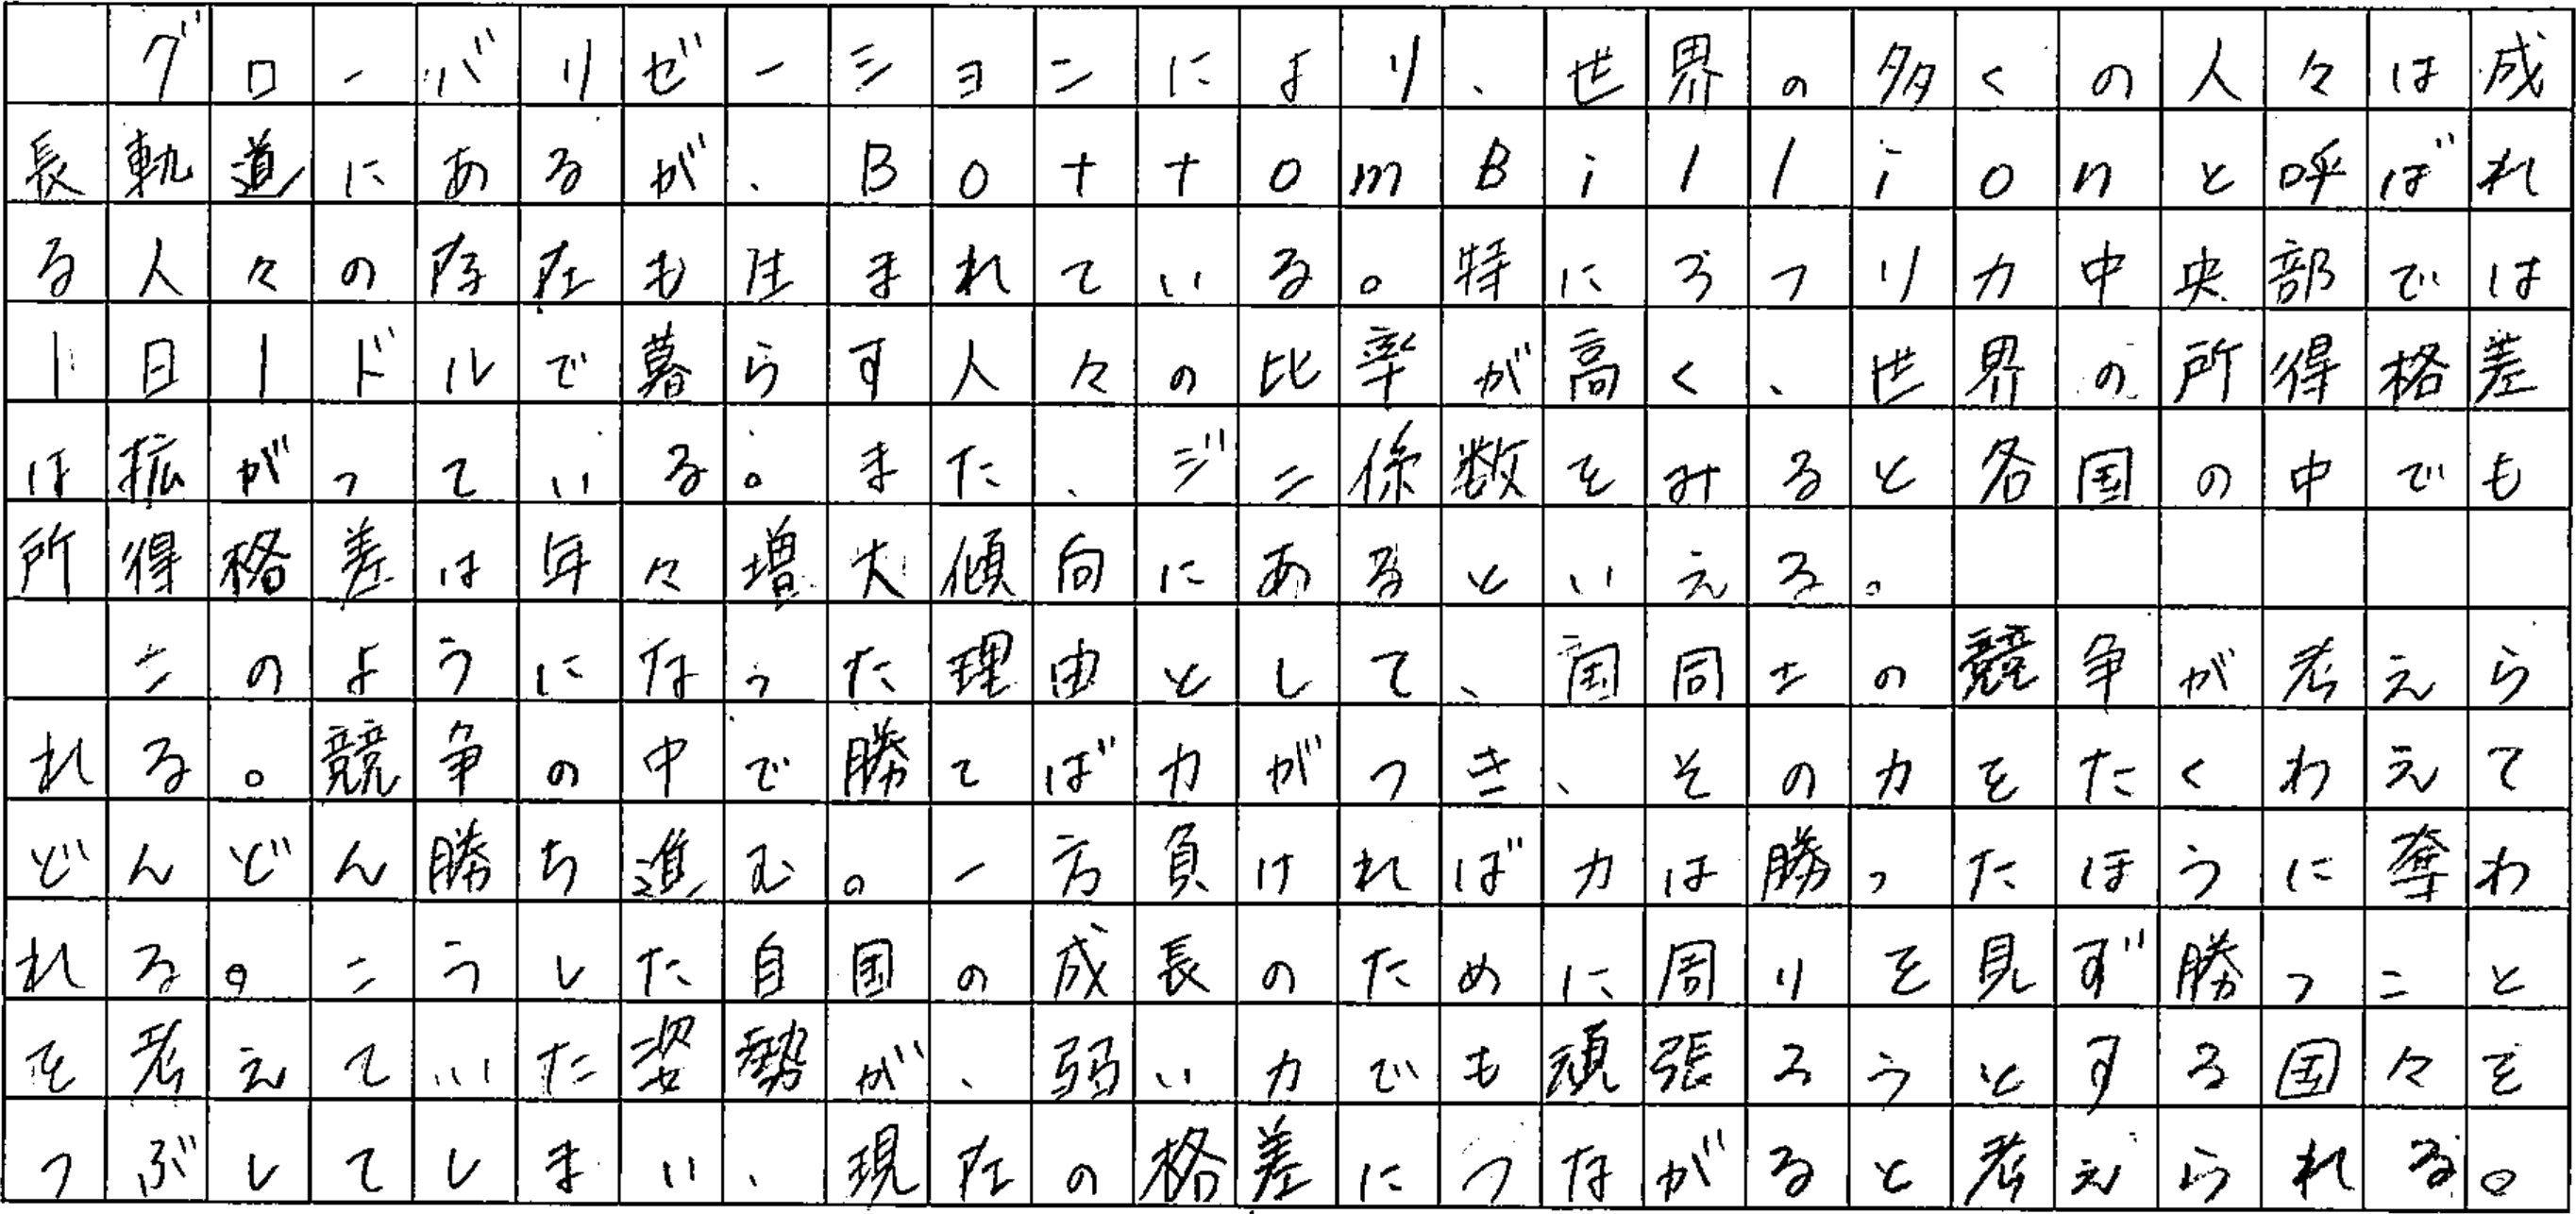　グローバリゼーションにより、世界の多くの人々は成長軌道にあるが、ＢｏｔｔｏｍＢｉｌｌｉｏｎと呼ばれる人々の存在も生まれている。特にアフリカ中央部では１日１ドルで暮らす人々の比率が高く、世界の所得格差は拡がっている。また、ジニ係数をみると各国の中でも所得格差は年々増大傾向にあるといえる。
　このようになった理由として、国同士の競争が考えられる。競争の中で勝てば力がつき、その力をたくわえてどんどん勝ち進む。一方負ければ力は勝ったほうに奪われる。こうした自国の成長のために周りを見ず勝つことを考えていた姿勢が、弱い力でも頑張ろうとする国々をつぶしてしまい、現在の格差につながると考えられる。
